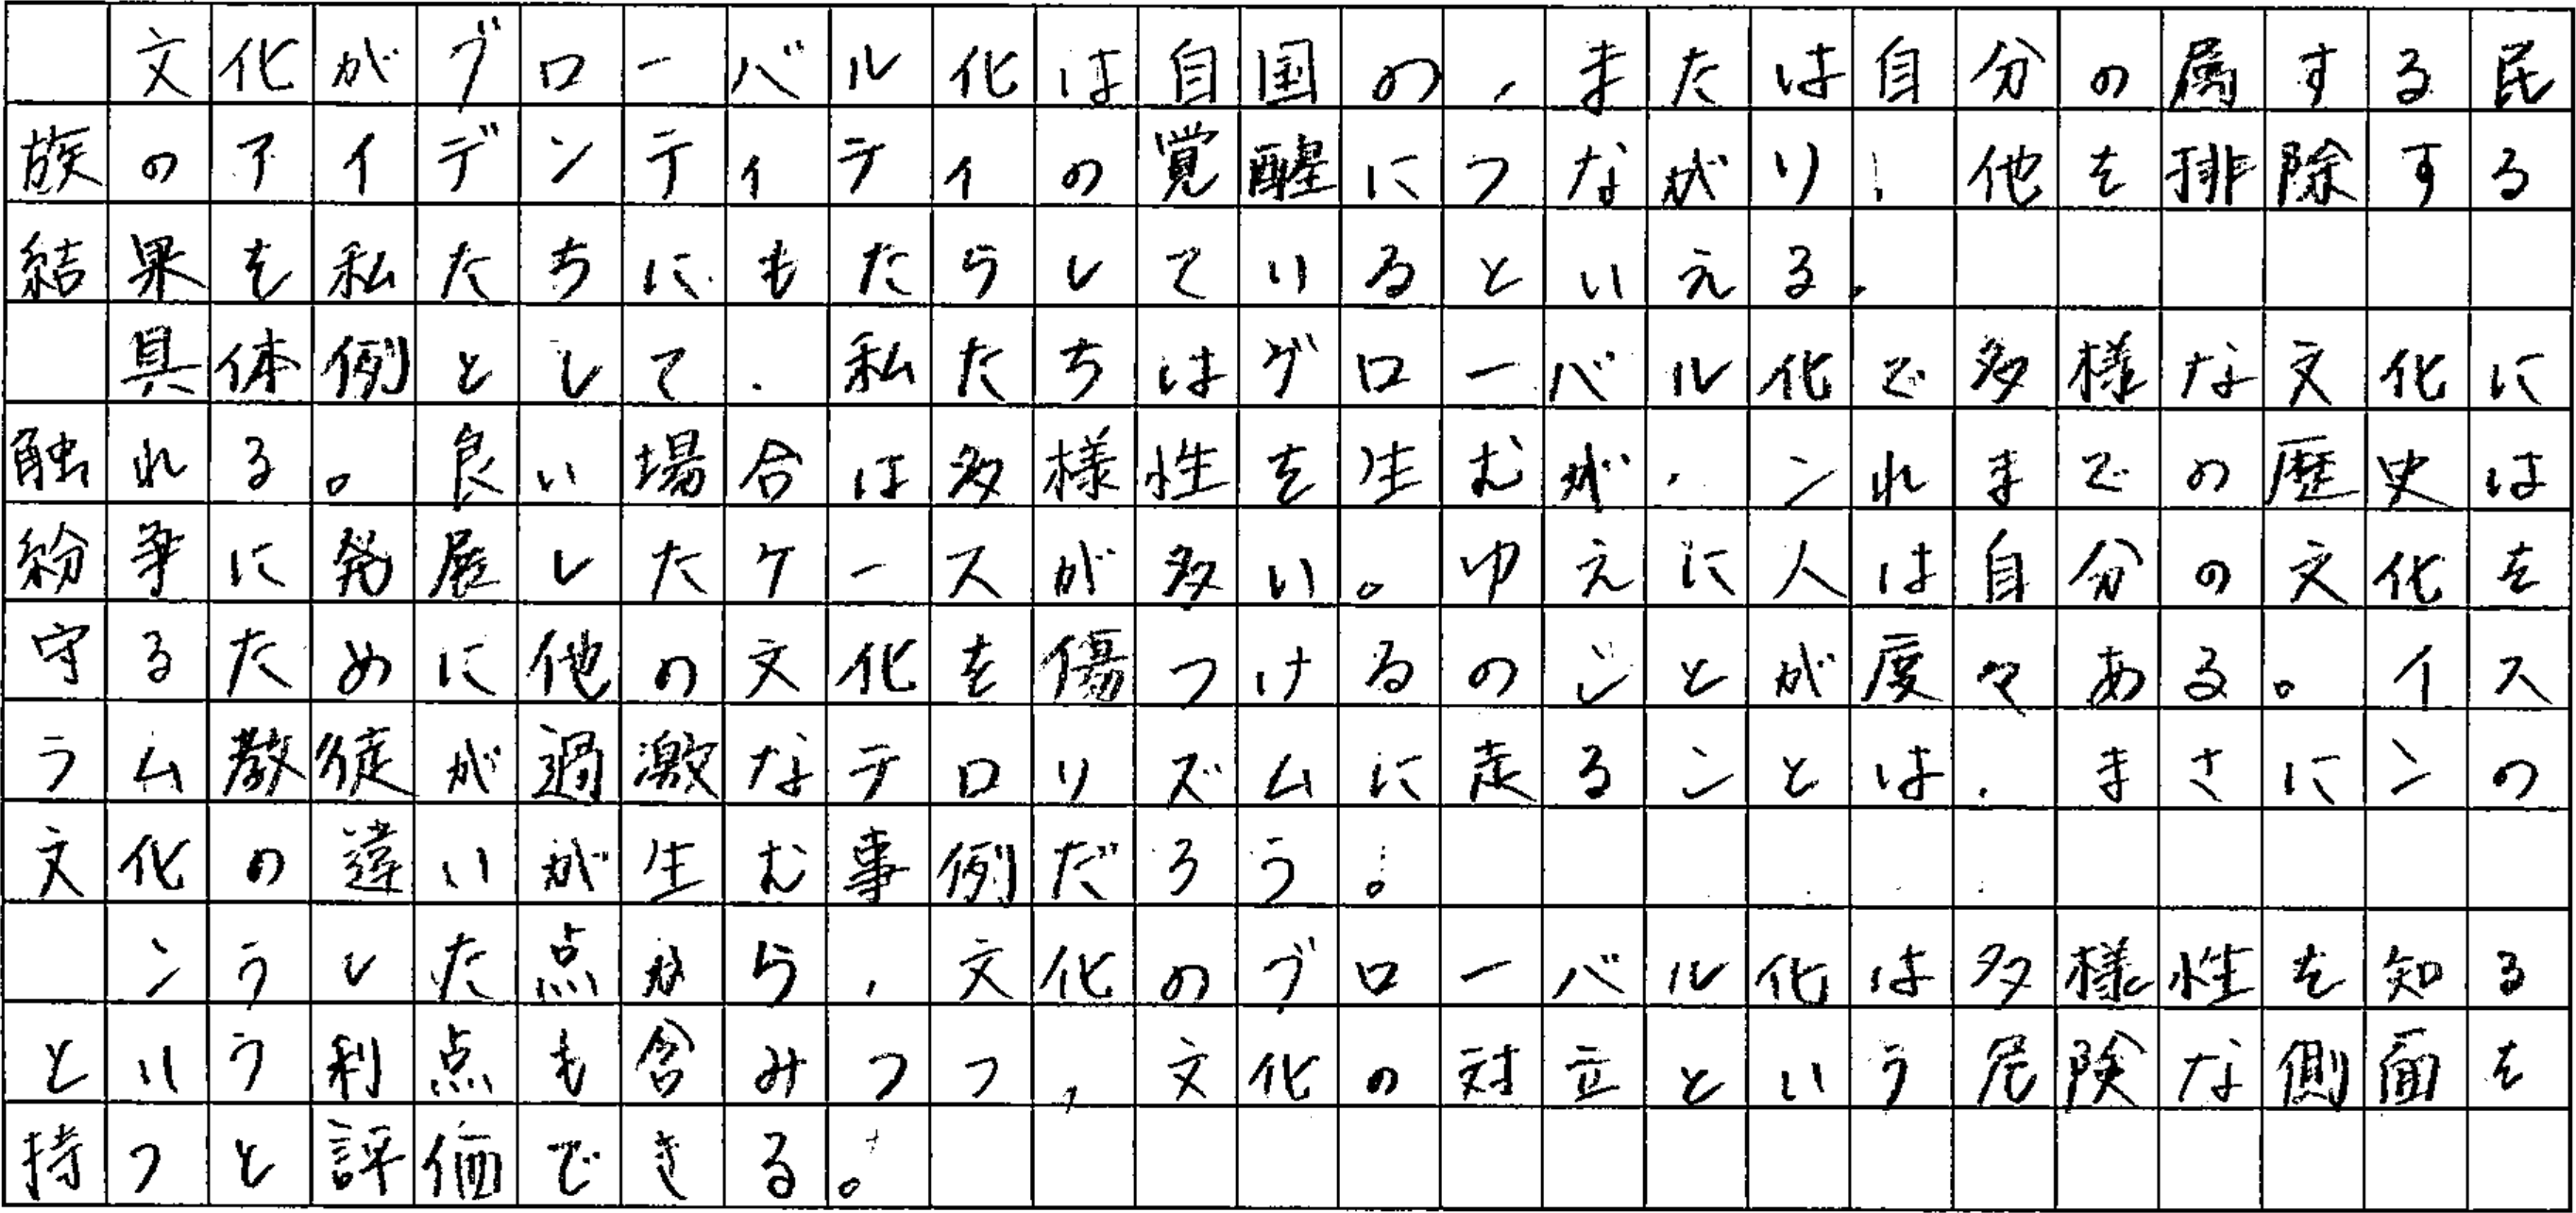　文化がグローバル化は自国の、または自分の属する民族のアイデンティティの覚醒につながり、他を排除する結果を私たちにもたらしているといえる。
　具体例として、私たちはグローバル化で多様な文化に触れる。良い場合は多様性を生むが、これまでの歴史は紛争に発展したケースが多い。ゆえに人は自分の文化を守るために他の文化を傷つけるのことが度々ある。イスラム教徒が過激なテロリズムに走ることは、まさにこの文化の違いが生む事例だろう。
　こうした点から、文化のブローバル化は多様性を知るという利点も含みつつ、文化の対立という危険な側面を持つと評価できる。
